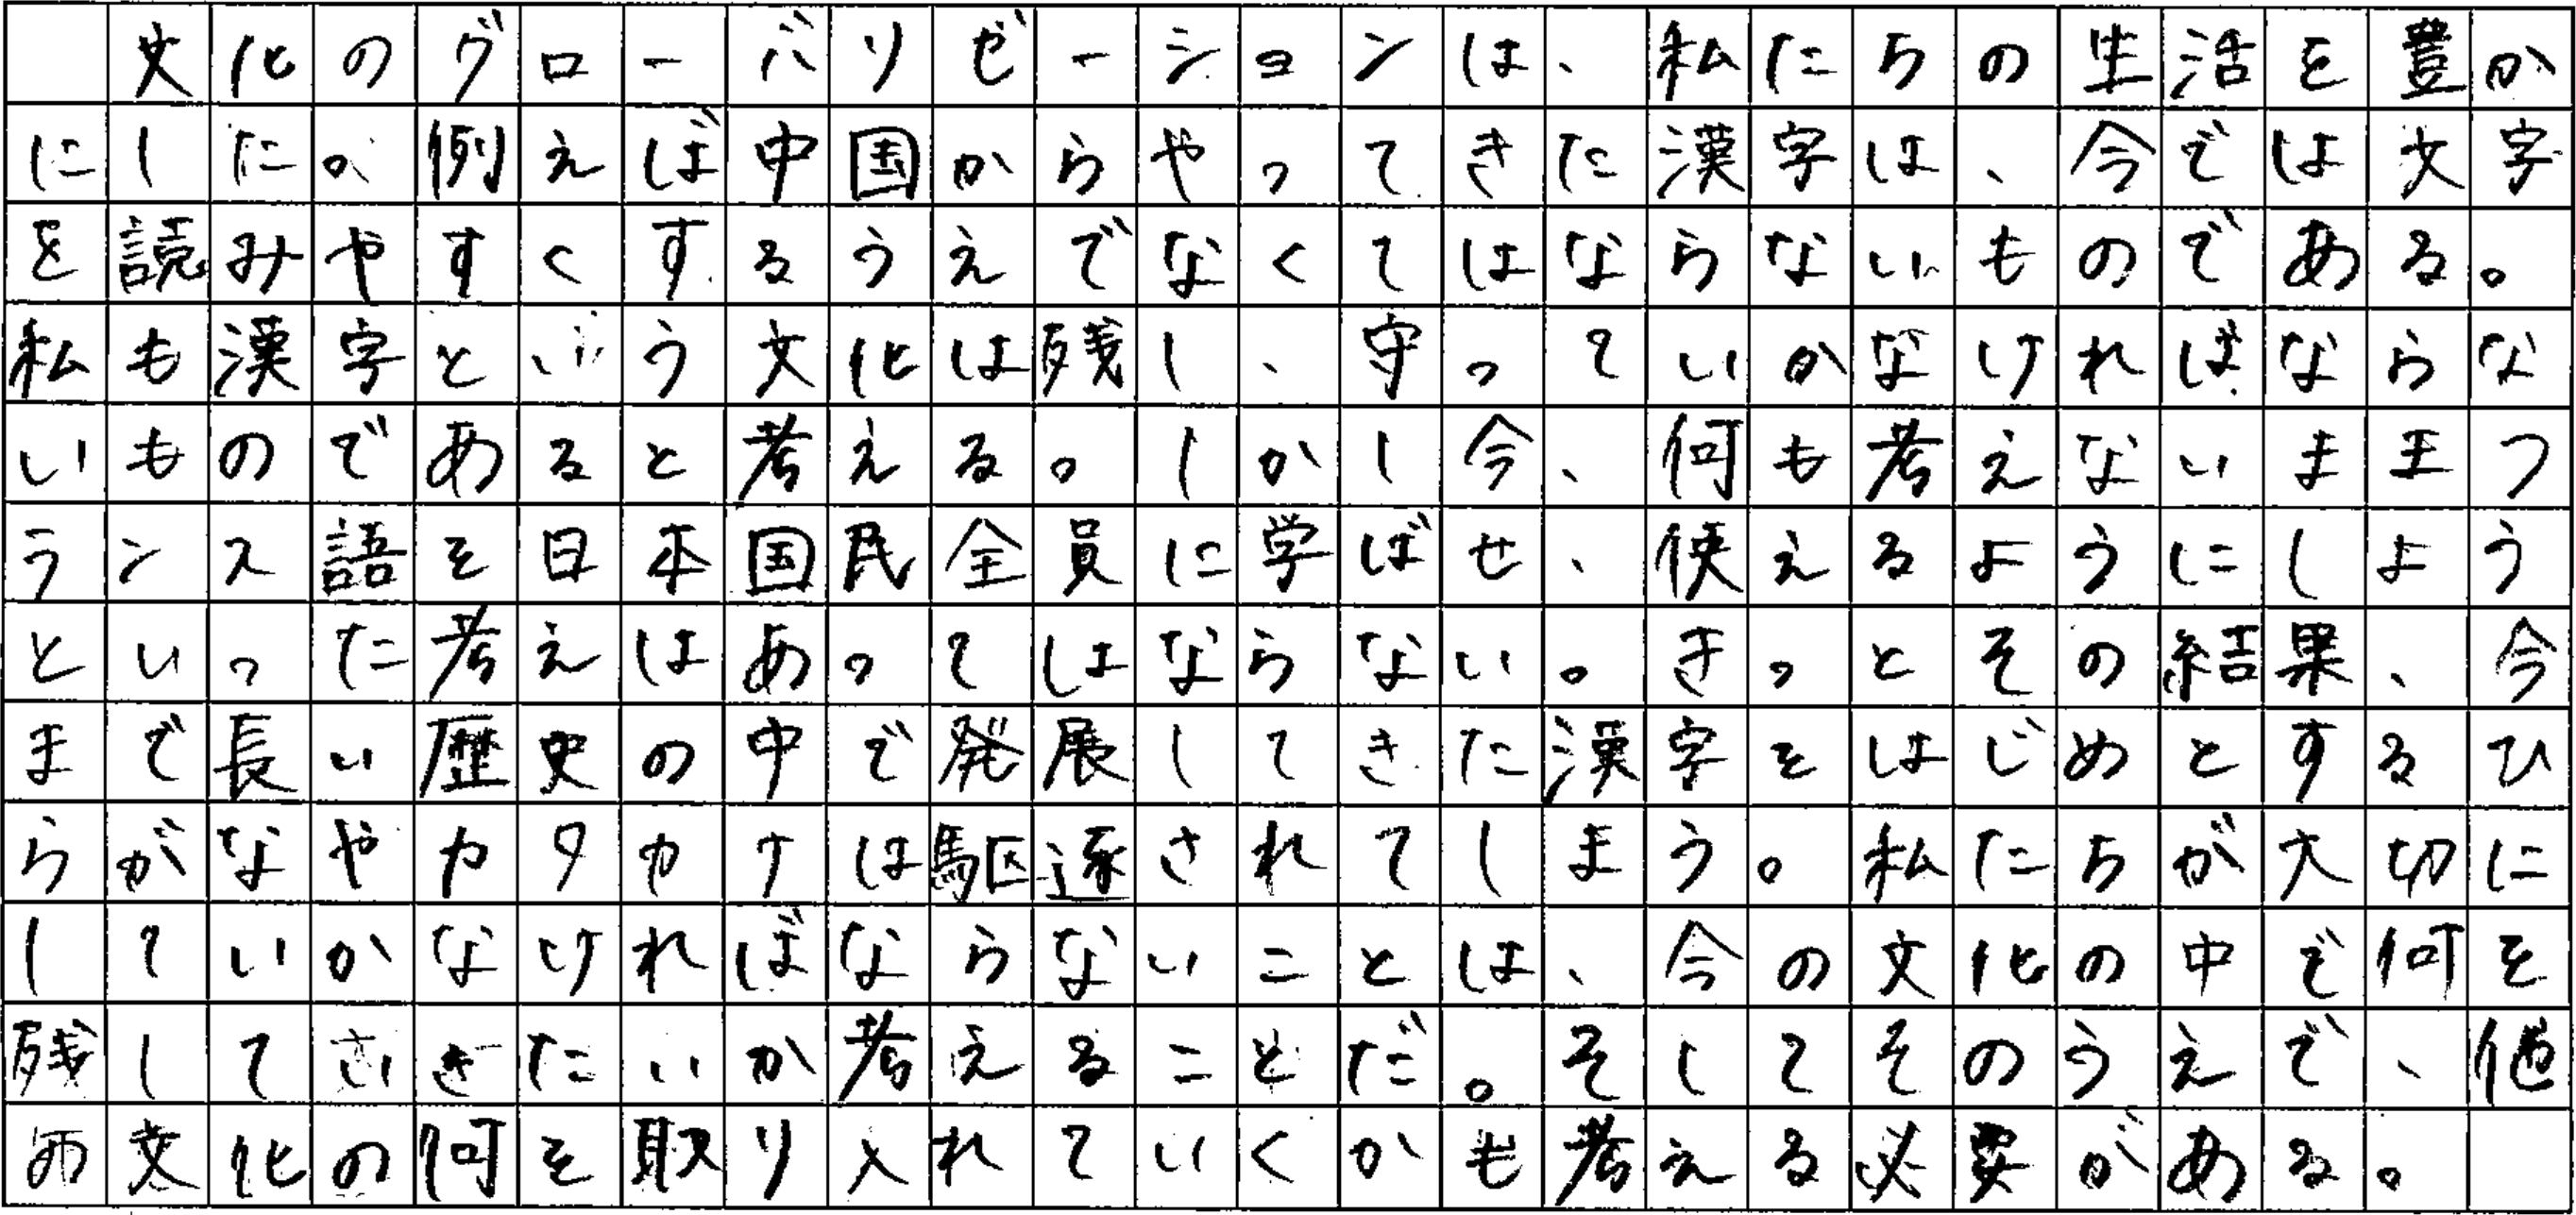　文化のグローバリゼーションは、私たちの生活を豊かにした。例えば中国からやってきた漢字は、今では文字を読みやすくするうえでなくてはならないものである。私も漢字という文化は残し、守っていかなければならないものであると考える。しかし今、何も考えないままフランス語を日本国民全員に学ばせ、使えるようにしようといった考えはあってはならない。きっとその結果、今まで長い歴史の中で発展してきた漢字をはじめとするひらがなやカタカナは駆逐されてしまう。私たちが大切にしていかなければならないことは、今の文化の中で何を残していきたいか考えることだ。そしてそのうえで、他の文化の何を取り入れていくかも考える必要がある。
